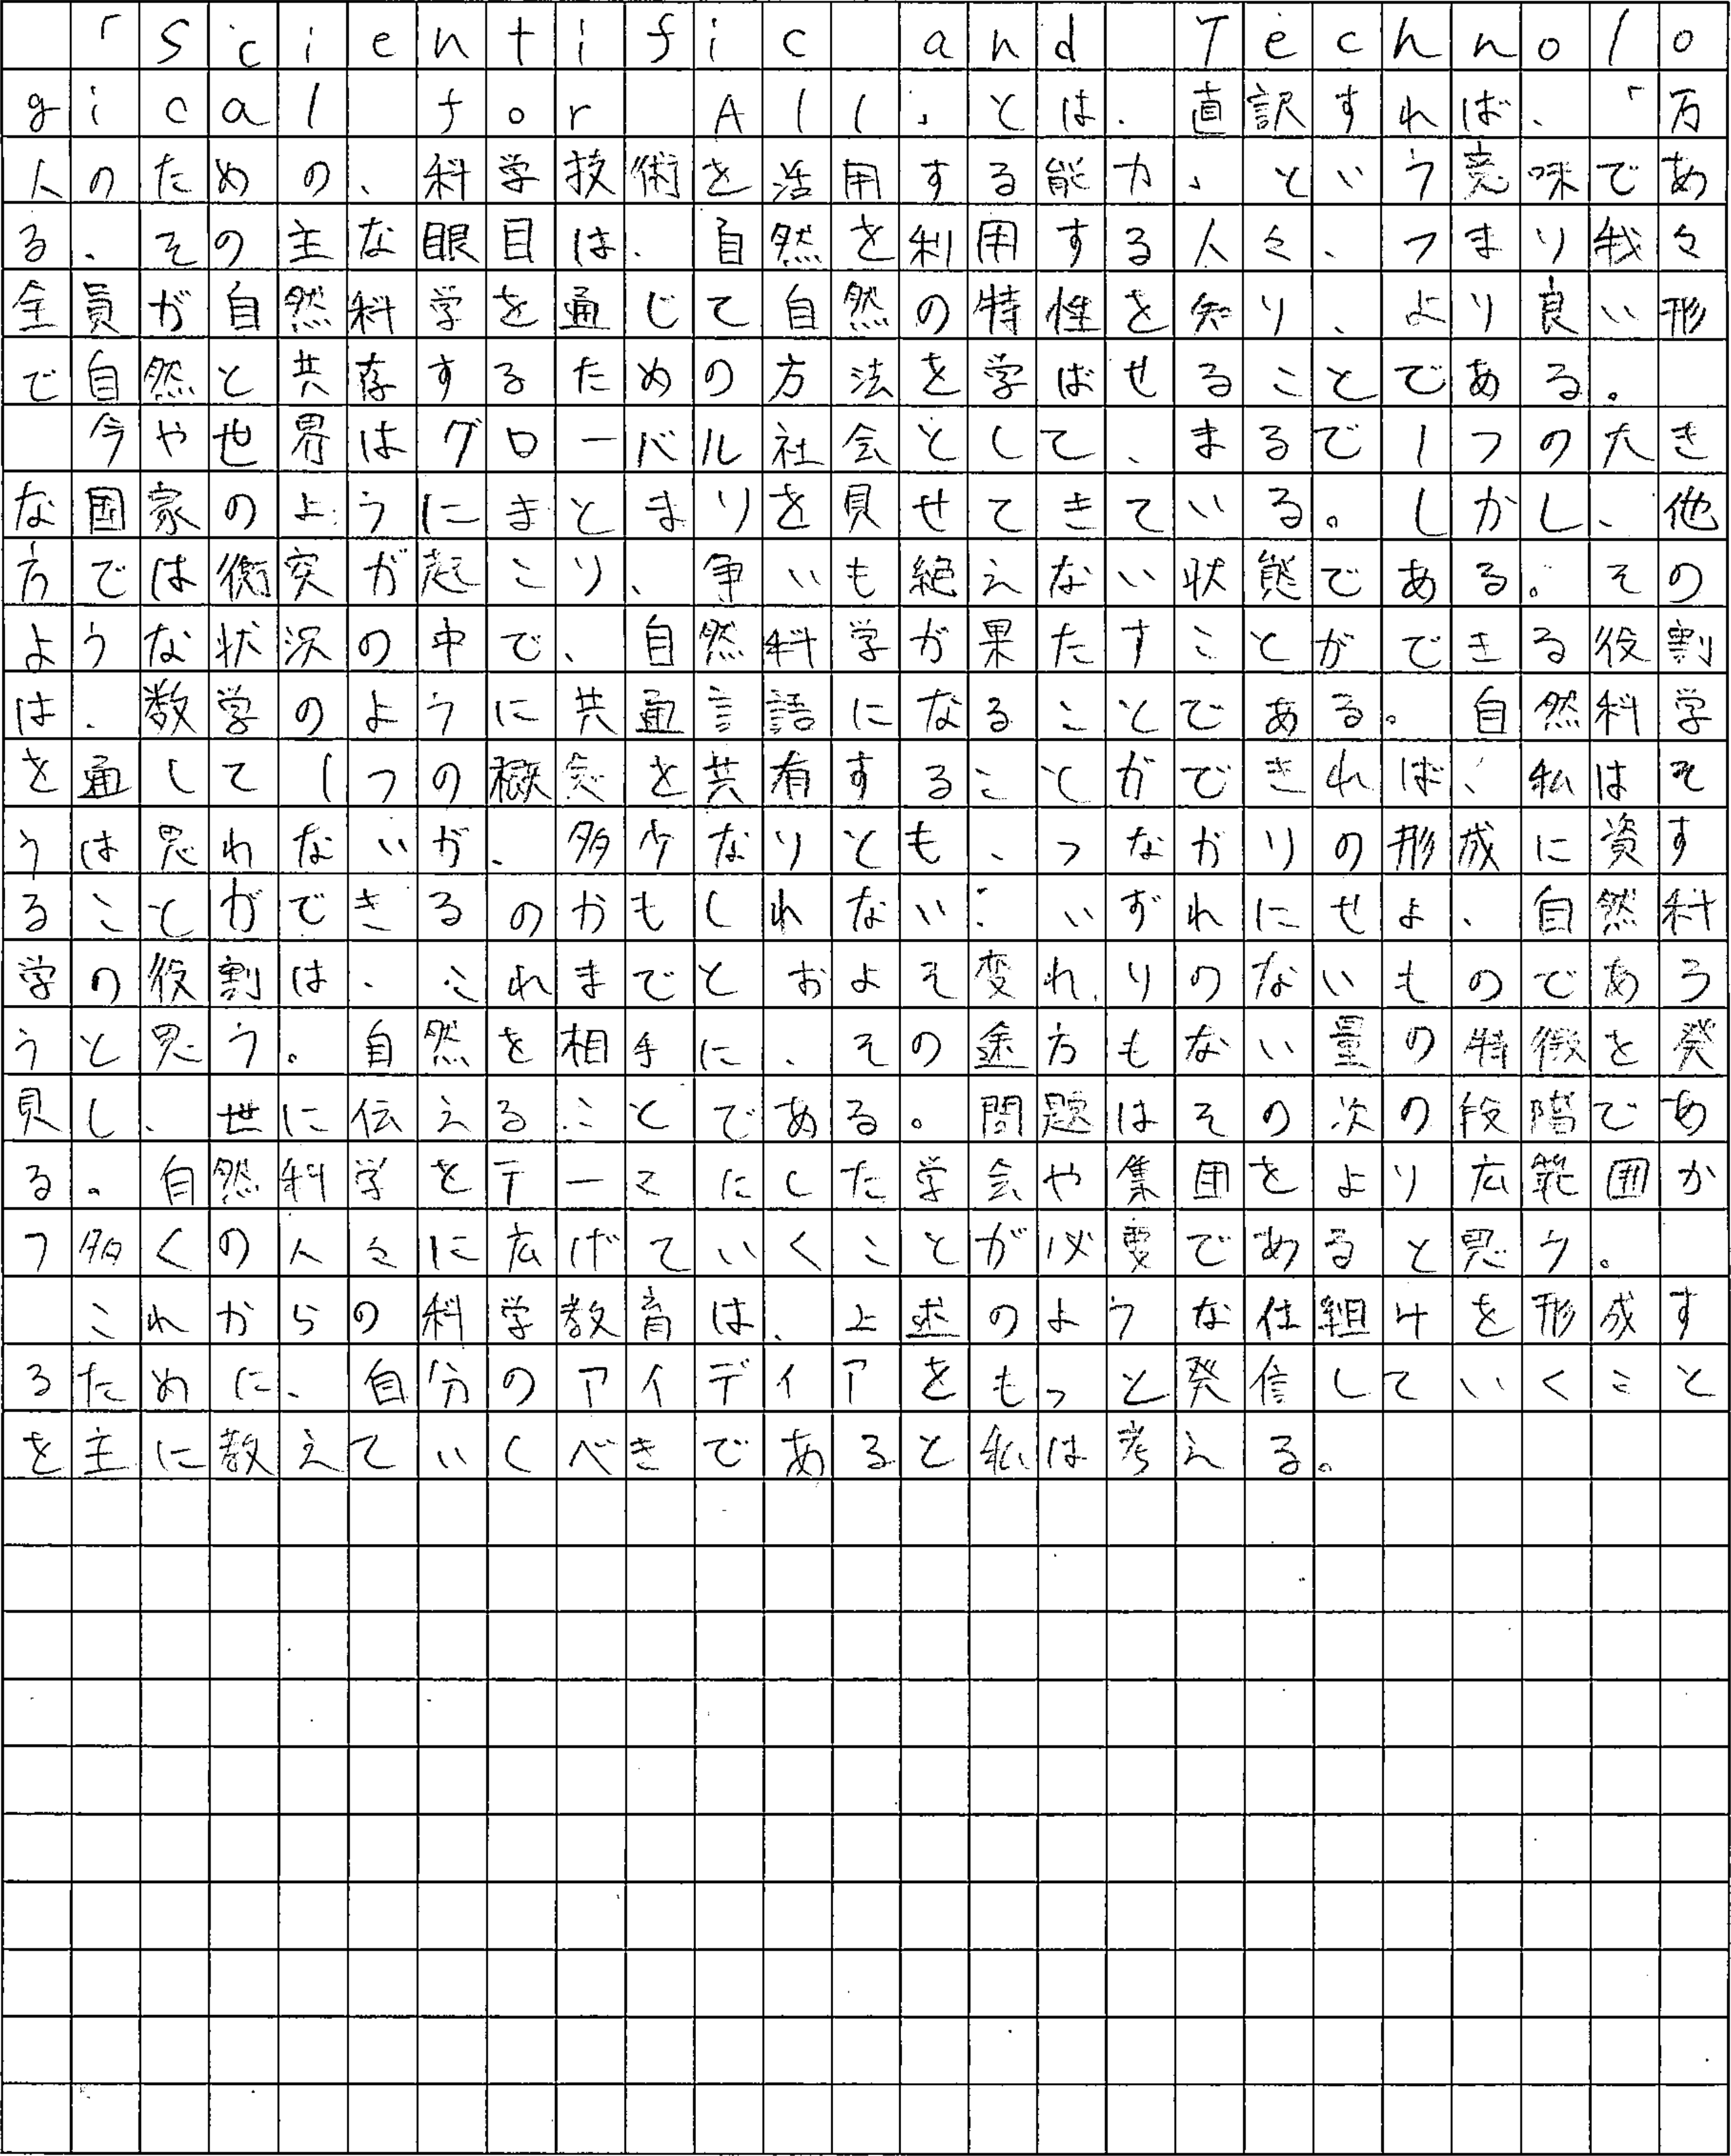　「Ｓｃｉｅｎｔｉｆｉｃ　ａｎｄ　Ｔｅｃｈｎｏｌｏｇｉｃａｌ　ｆｏｒ　Ａｌｌ」とは、直訳すれば、「万人のための、科学技術を活用する能力」という意味である。その主な眼目は、自然を利用する人々、つまり我々全員が自然科学を通じて自然の特性を知り、より良い形で自然と共存するための方法を学ばせることである。
　今や世界はグローバル社会として、まるで１つの大きな国家のようにまとまりを見せてきている。しかし、他方では衡突が起こり、争いも絶えない状態である。そのような状況の中で、自然科学が果たすことができる役割は、数学のように共通言語になることである。自然科学を通して１つの概念を共有することができれば、私はそうは思わないが、多少なりとも、つながりの形成に資することができるかもしれない。いずれにせよ、自然科学の役割は、これまでとおよそ変わりのないものであろうと思う。自然を相手に、その途方もない量の特徴を発見し、世に伝えることである。問題はその次の段階である。自然科学をテーマにした学会や集団をより広範囲かつ多くの人々に広げていくことが必要であると思う。
　これからの科学教育は、上述のような仕組みを形成するために、自分のアイディアをもっと発信していくことを主に教えていくべきであると私は考える。
